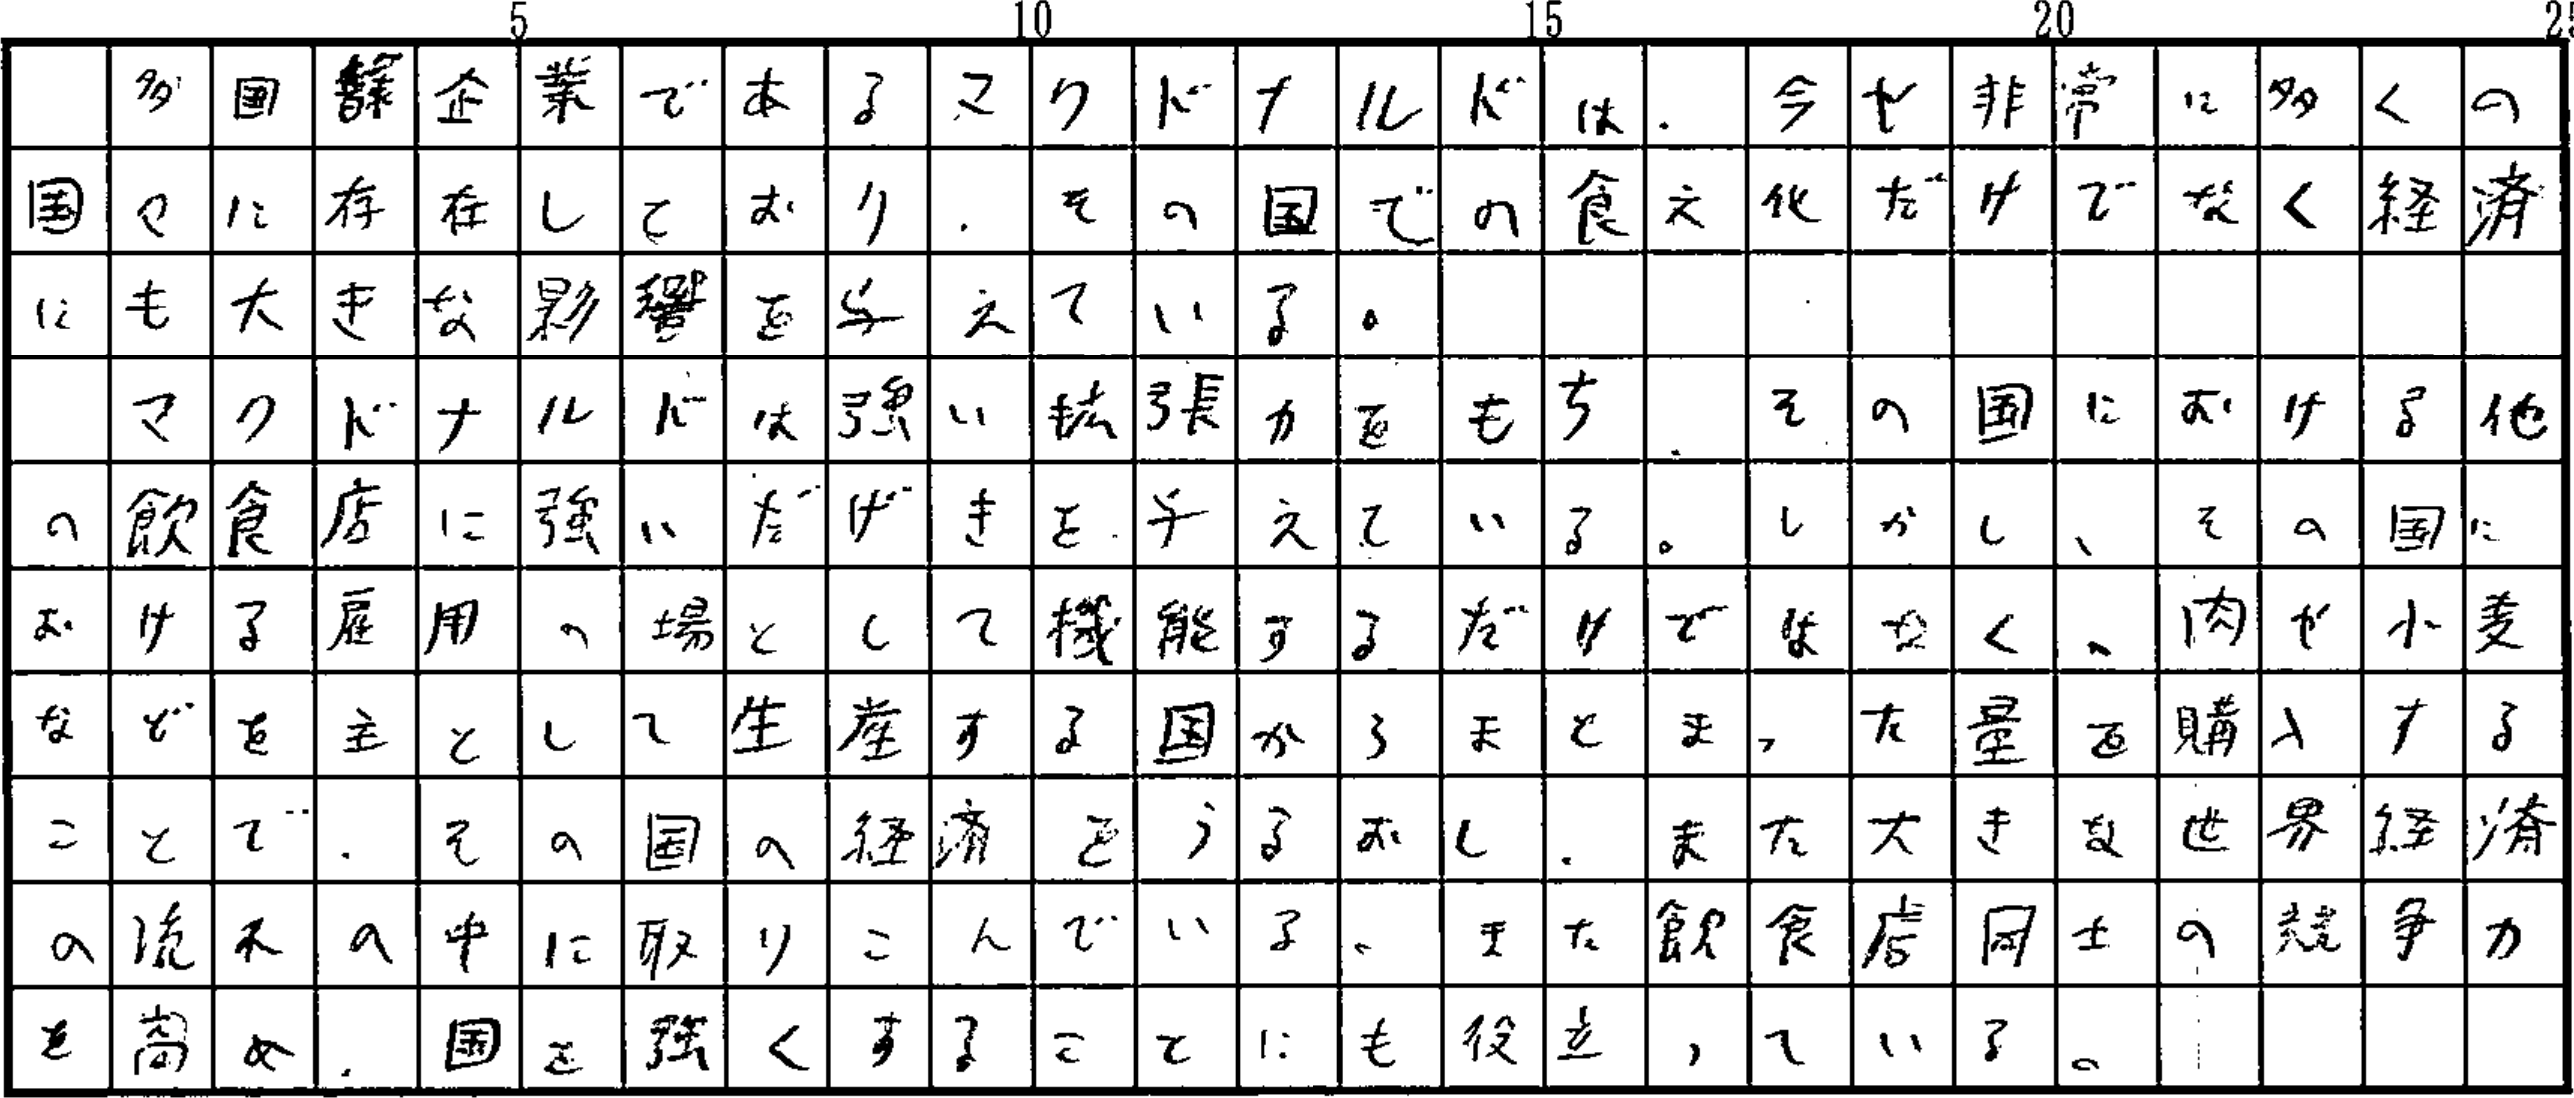　多国▁企業であるマクドナルドは、今や非常に多くの国々に存在しており、その国での食文化だけでなく経済にも大きな影響を与えている。
　マクドナルドは強い拡張力をもち、その国における他の飲食店に強いだげきを与えている。しかし、その国における雇用の場として機能するだけではなく、肉や小麦などを主として生産する国からまとまった量を購入することで、その国の経済をうるおし、また大きな世界経済の流れの中に取りこんでいる。また飲食店同士の競争力を高め、国を強くすることにも役立っている。
